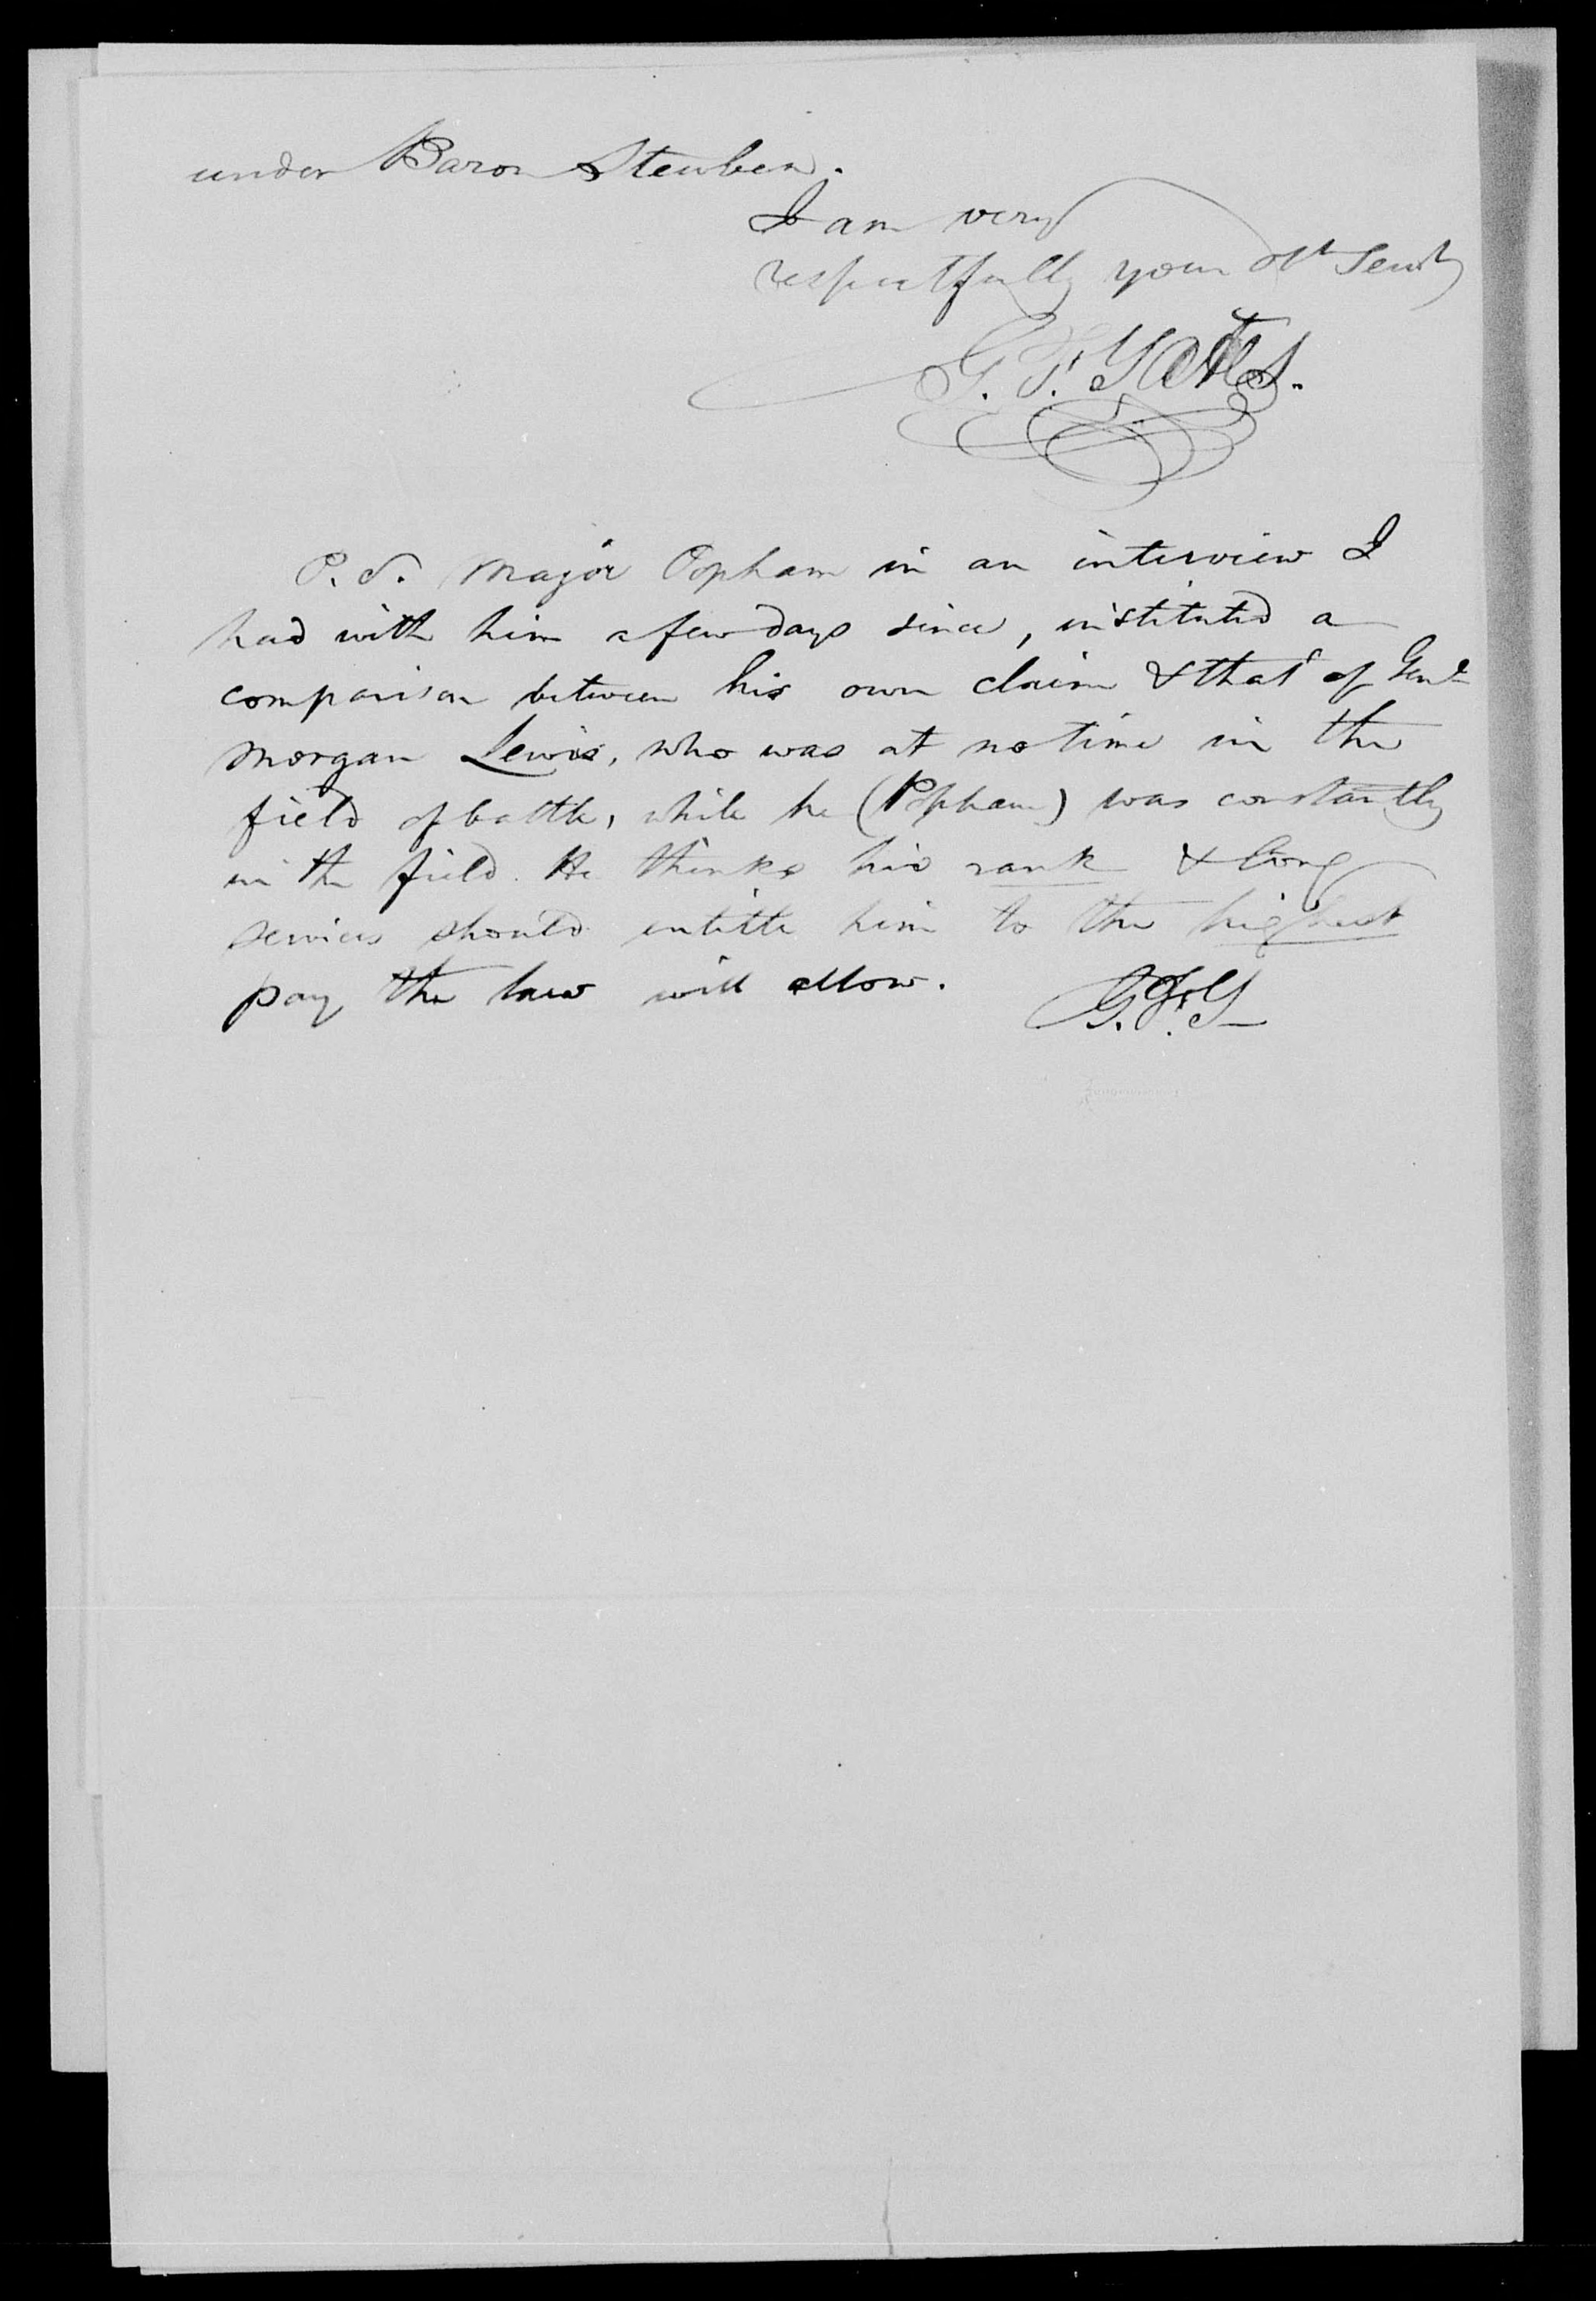under Baron Steuben

I am very
Respectfully your obt Servnt
G.F Yates.


P.S. Major Popham in an interview I
had with him a few days since, instituted a
comparison between his own claim & that of Genl Morgan Lewis, who was at no time in the
field of battle, while he (Popham) was constantly
in the field. He thinks his rank & long
services should entitle him to the highest
pay the law will allow.
G. F. Y-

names: G F Gates; [BLANK] Popham; Morgan Lewis; Baron Steuben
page: 54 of 75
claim: survivor's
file: S. 9989, for William Popham, Delaware